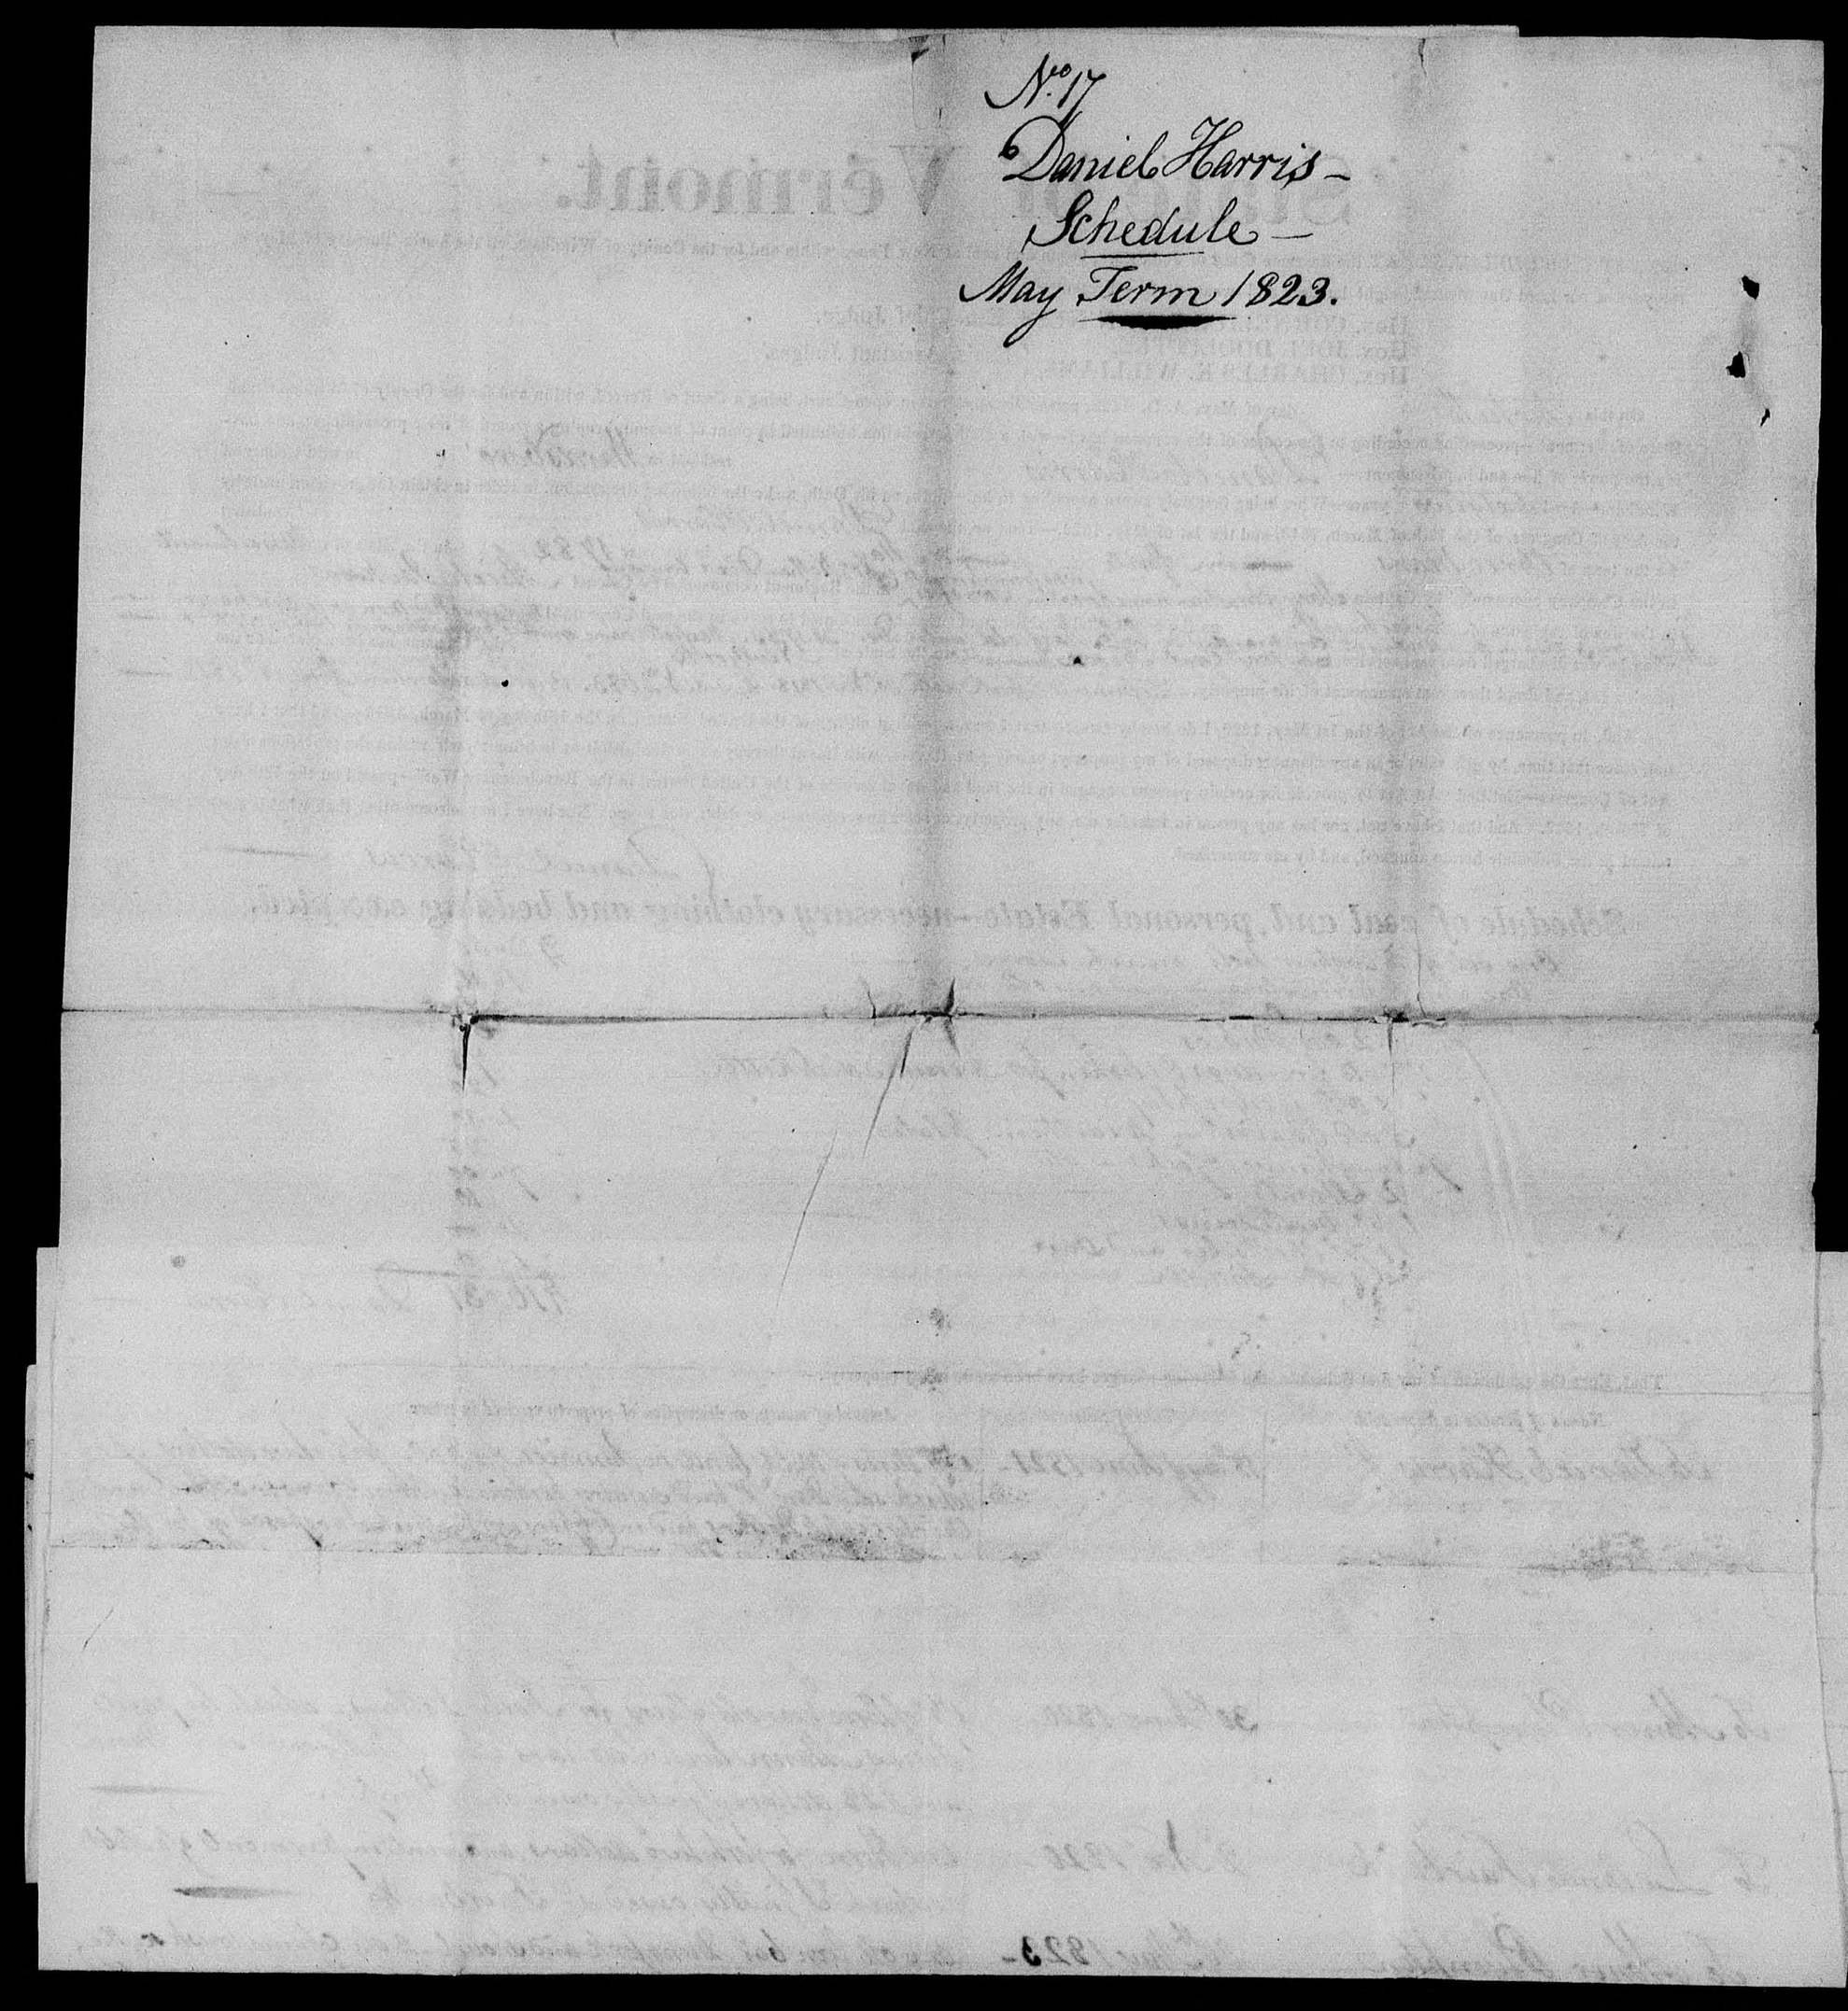Mo. 17 
Daniel Harris
Schedule
May Term 1823.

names: Daniel Harris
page: 51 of 68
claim: survivor's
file: S. 29,877, Daniel Harris, Mass.